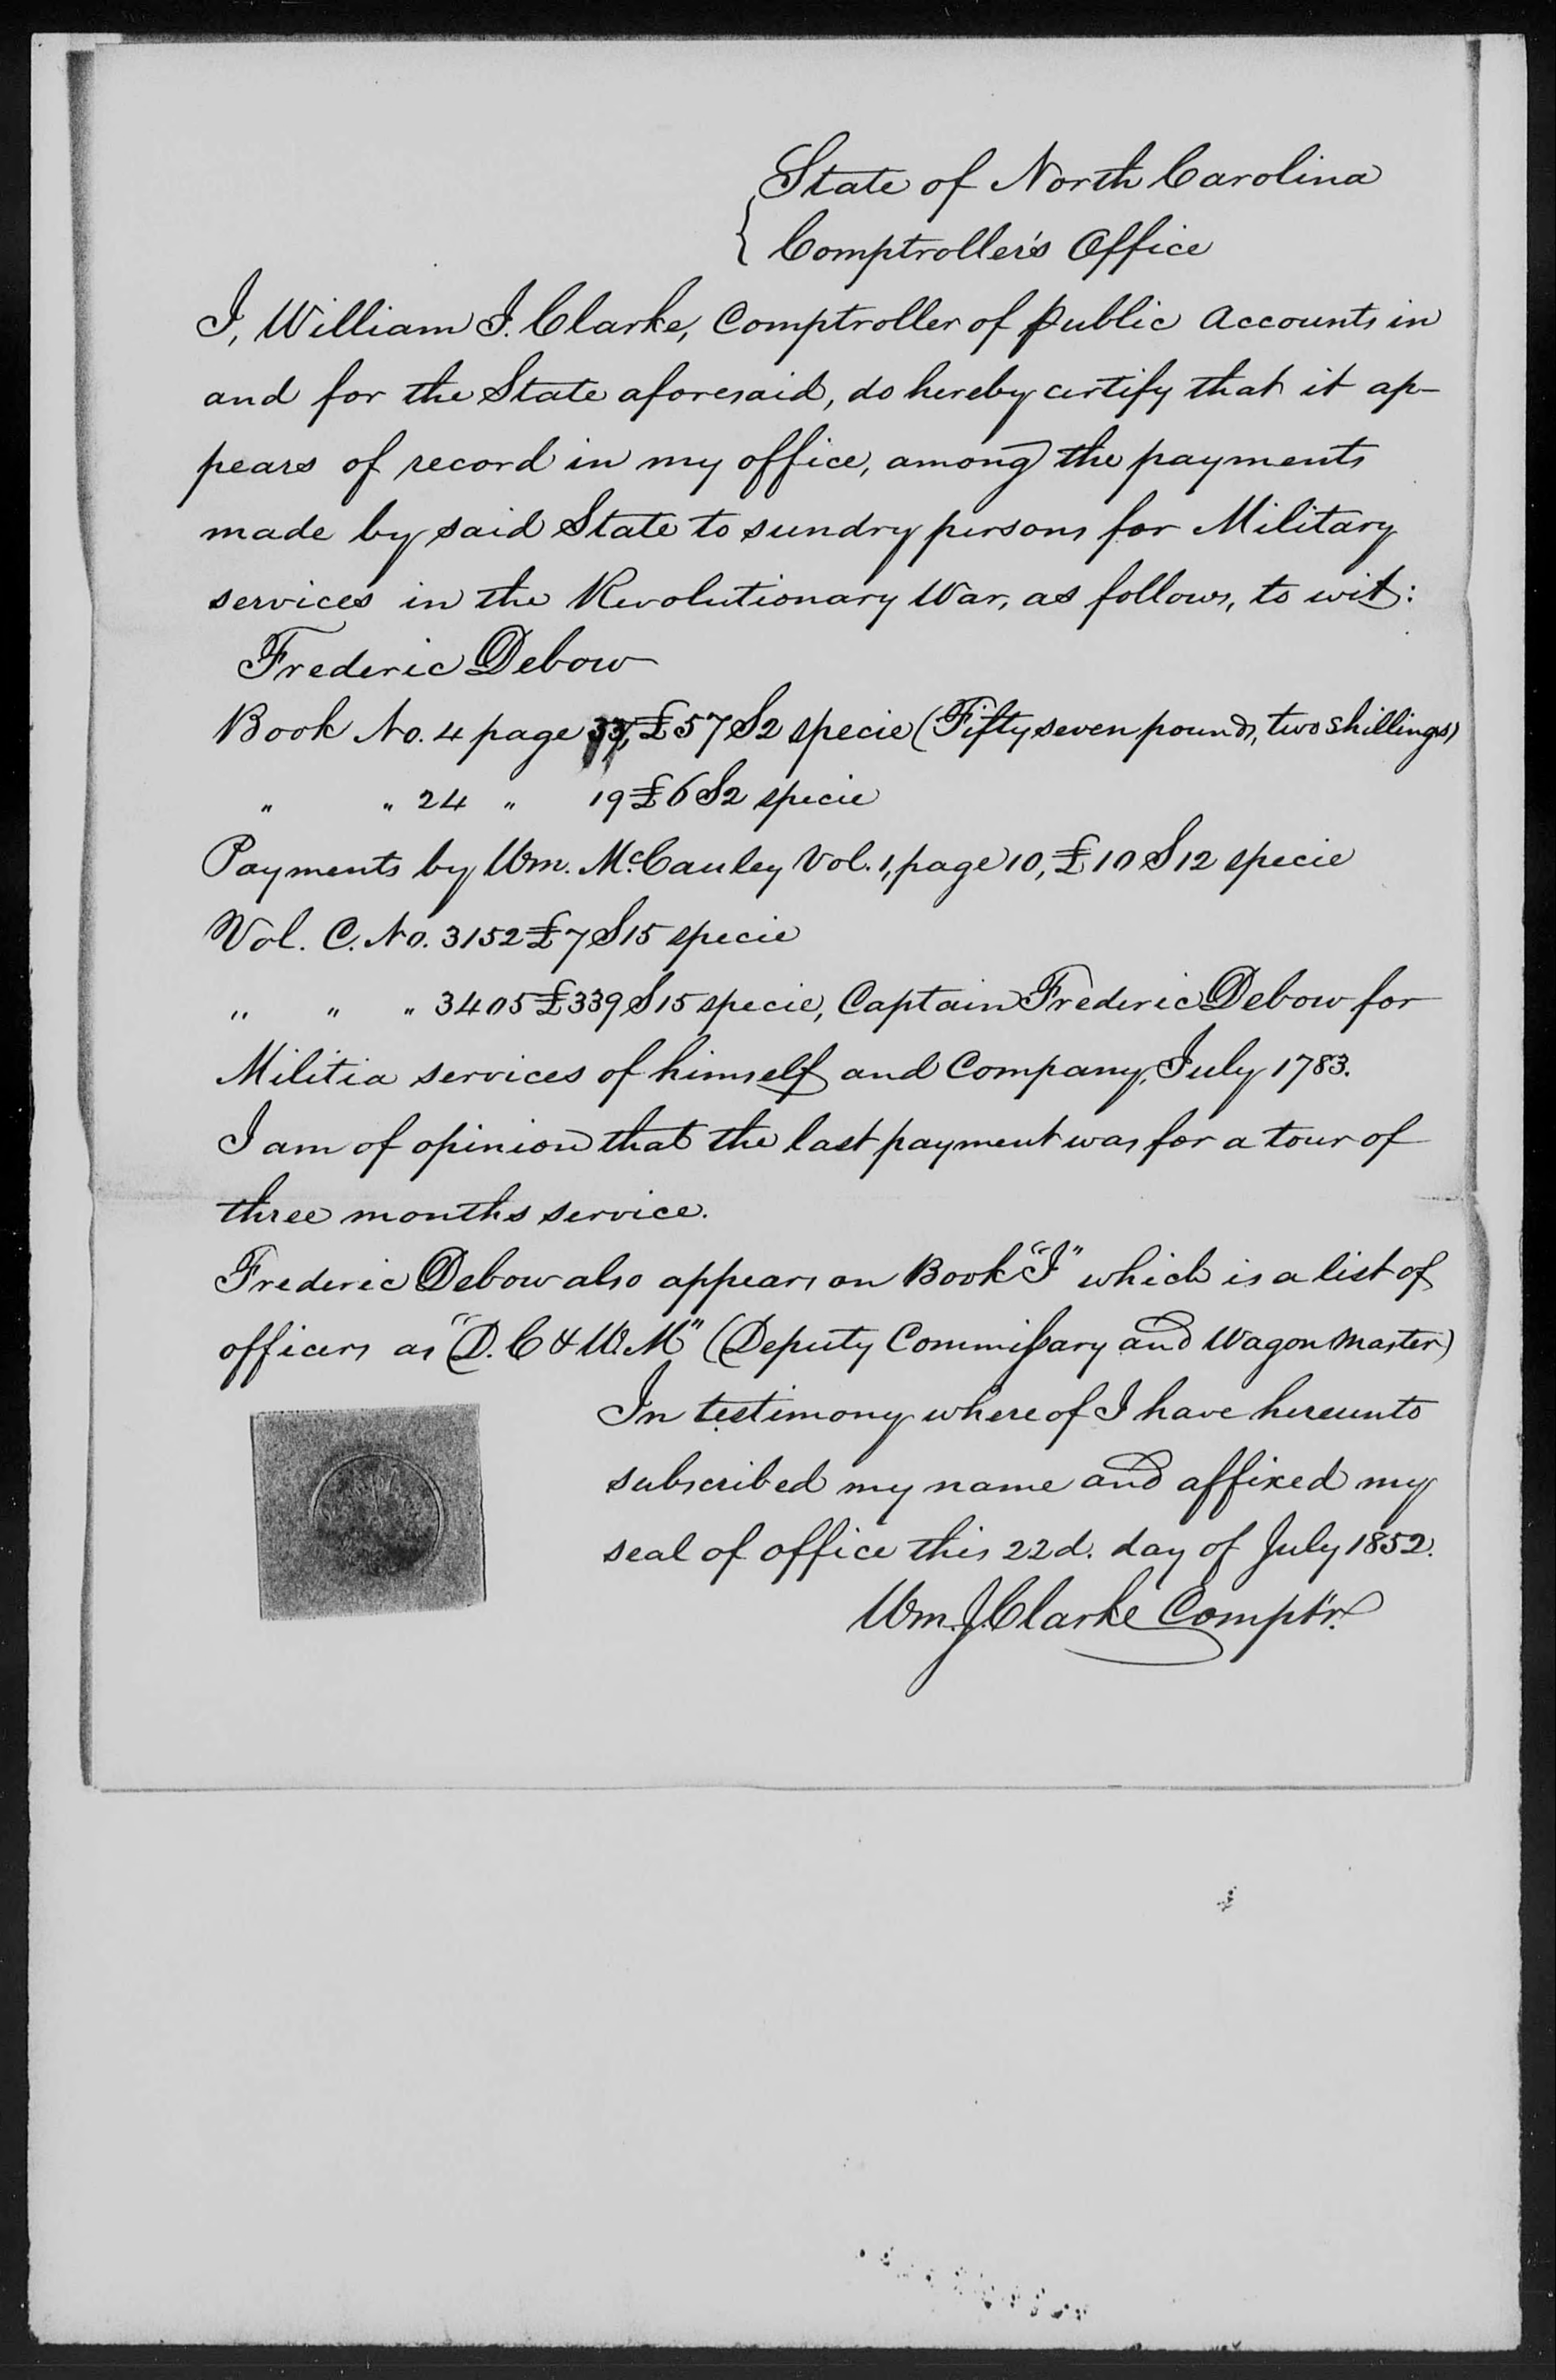{Comptroller’s Office
I, William J Clarke, Comptroller of Public Accounts in and for the State aforesaid, do hereby certify that it ap-pears of record in my office, among the payments made by said State to sundry persons for Military services in the Revolutionary War, as follows, to wit:
Frederic Debow
Book No. 4 page 33, £57S2 specie (Fifty seven pounds, two shillings,
“       “     24 “ 19 £6S2 specie
Payments by Wm McCauley Vol. 1, page 10. £10S12 specie
Vol. C. No. 3152 £7S15 specie
“       “    “  3405 £339S15 specie, Captain Frederic Debow for 
Milita services of himself and company, July 1783.
I am of the opinion that the last payment was for a tour of three months service.
Frederic Debow also appears on Book “I” which is a list of officers as “D. C& W.M.” (Deputy Commissary and Wagon Master) 
SEAL   In testimony where of I have hereinto subscribed my name and affixed my seal of office this 22d day of July 1852.
Wm J Clarke, Comptroller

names: Wm Mc Cauley, Wm J Clarke, Frederic Debow, Frederic Debow, William J Clarke, Frederic Debow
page: 28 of 62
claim: widow's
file: W 7005, Frederick Debow, N.C.